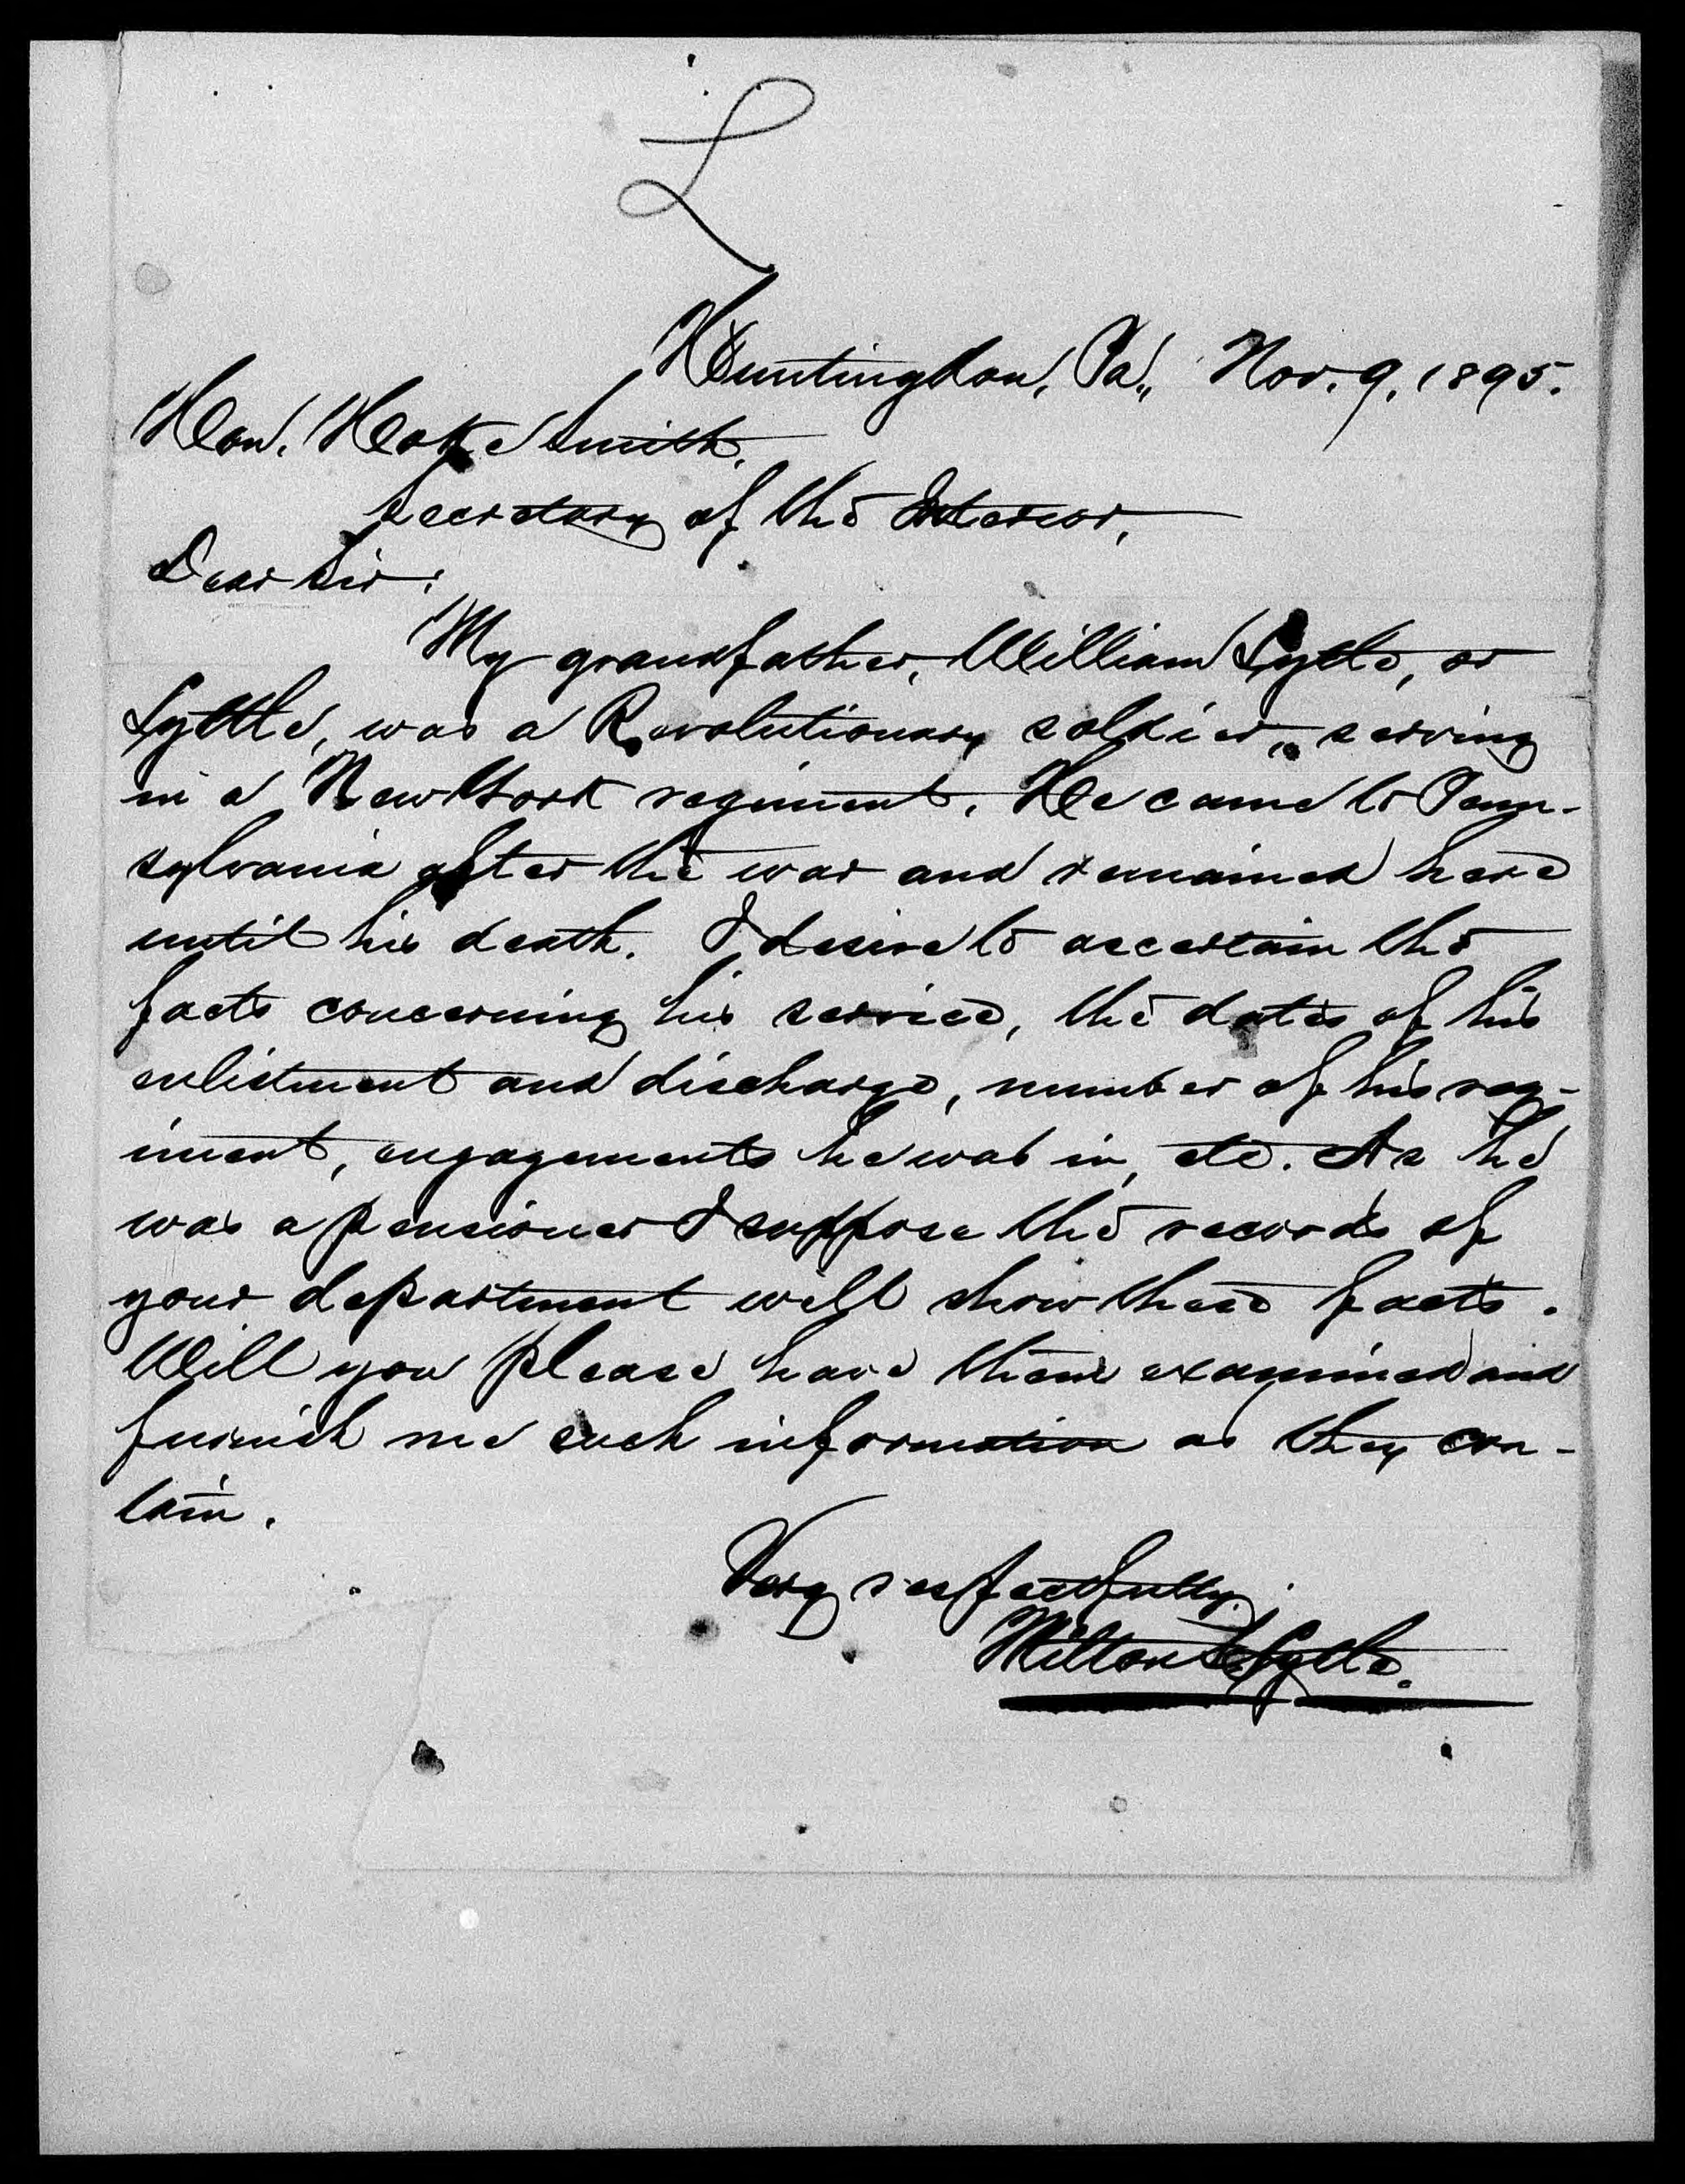L
Huntington, Pa. Nov. 9. 1895
Hon Heake Smith
Secretary of the Interior

Dear Sir:
My grandfather, William Lytle, or
Lyttle, was a Revolutionary soldier serving
in a New York Regiment. He came to
Pennsylvania after the war and remained here
until his death.  I desire to ascertain the
facts concerning his service, the date of his
enlistment and discharge, number of his
regiment, engagements he was in etc., etc. As he was a pensioner I suppose the record of
your department will show the facts.
Will you please have them examined and furnish me such information as they contain.

Very respectfully
Milton Lytle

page: 19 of 24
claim: survivor's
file: S. 13810, for William Lytle, New York